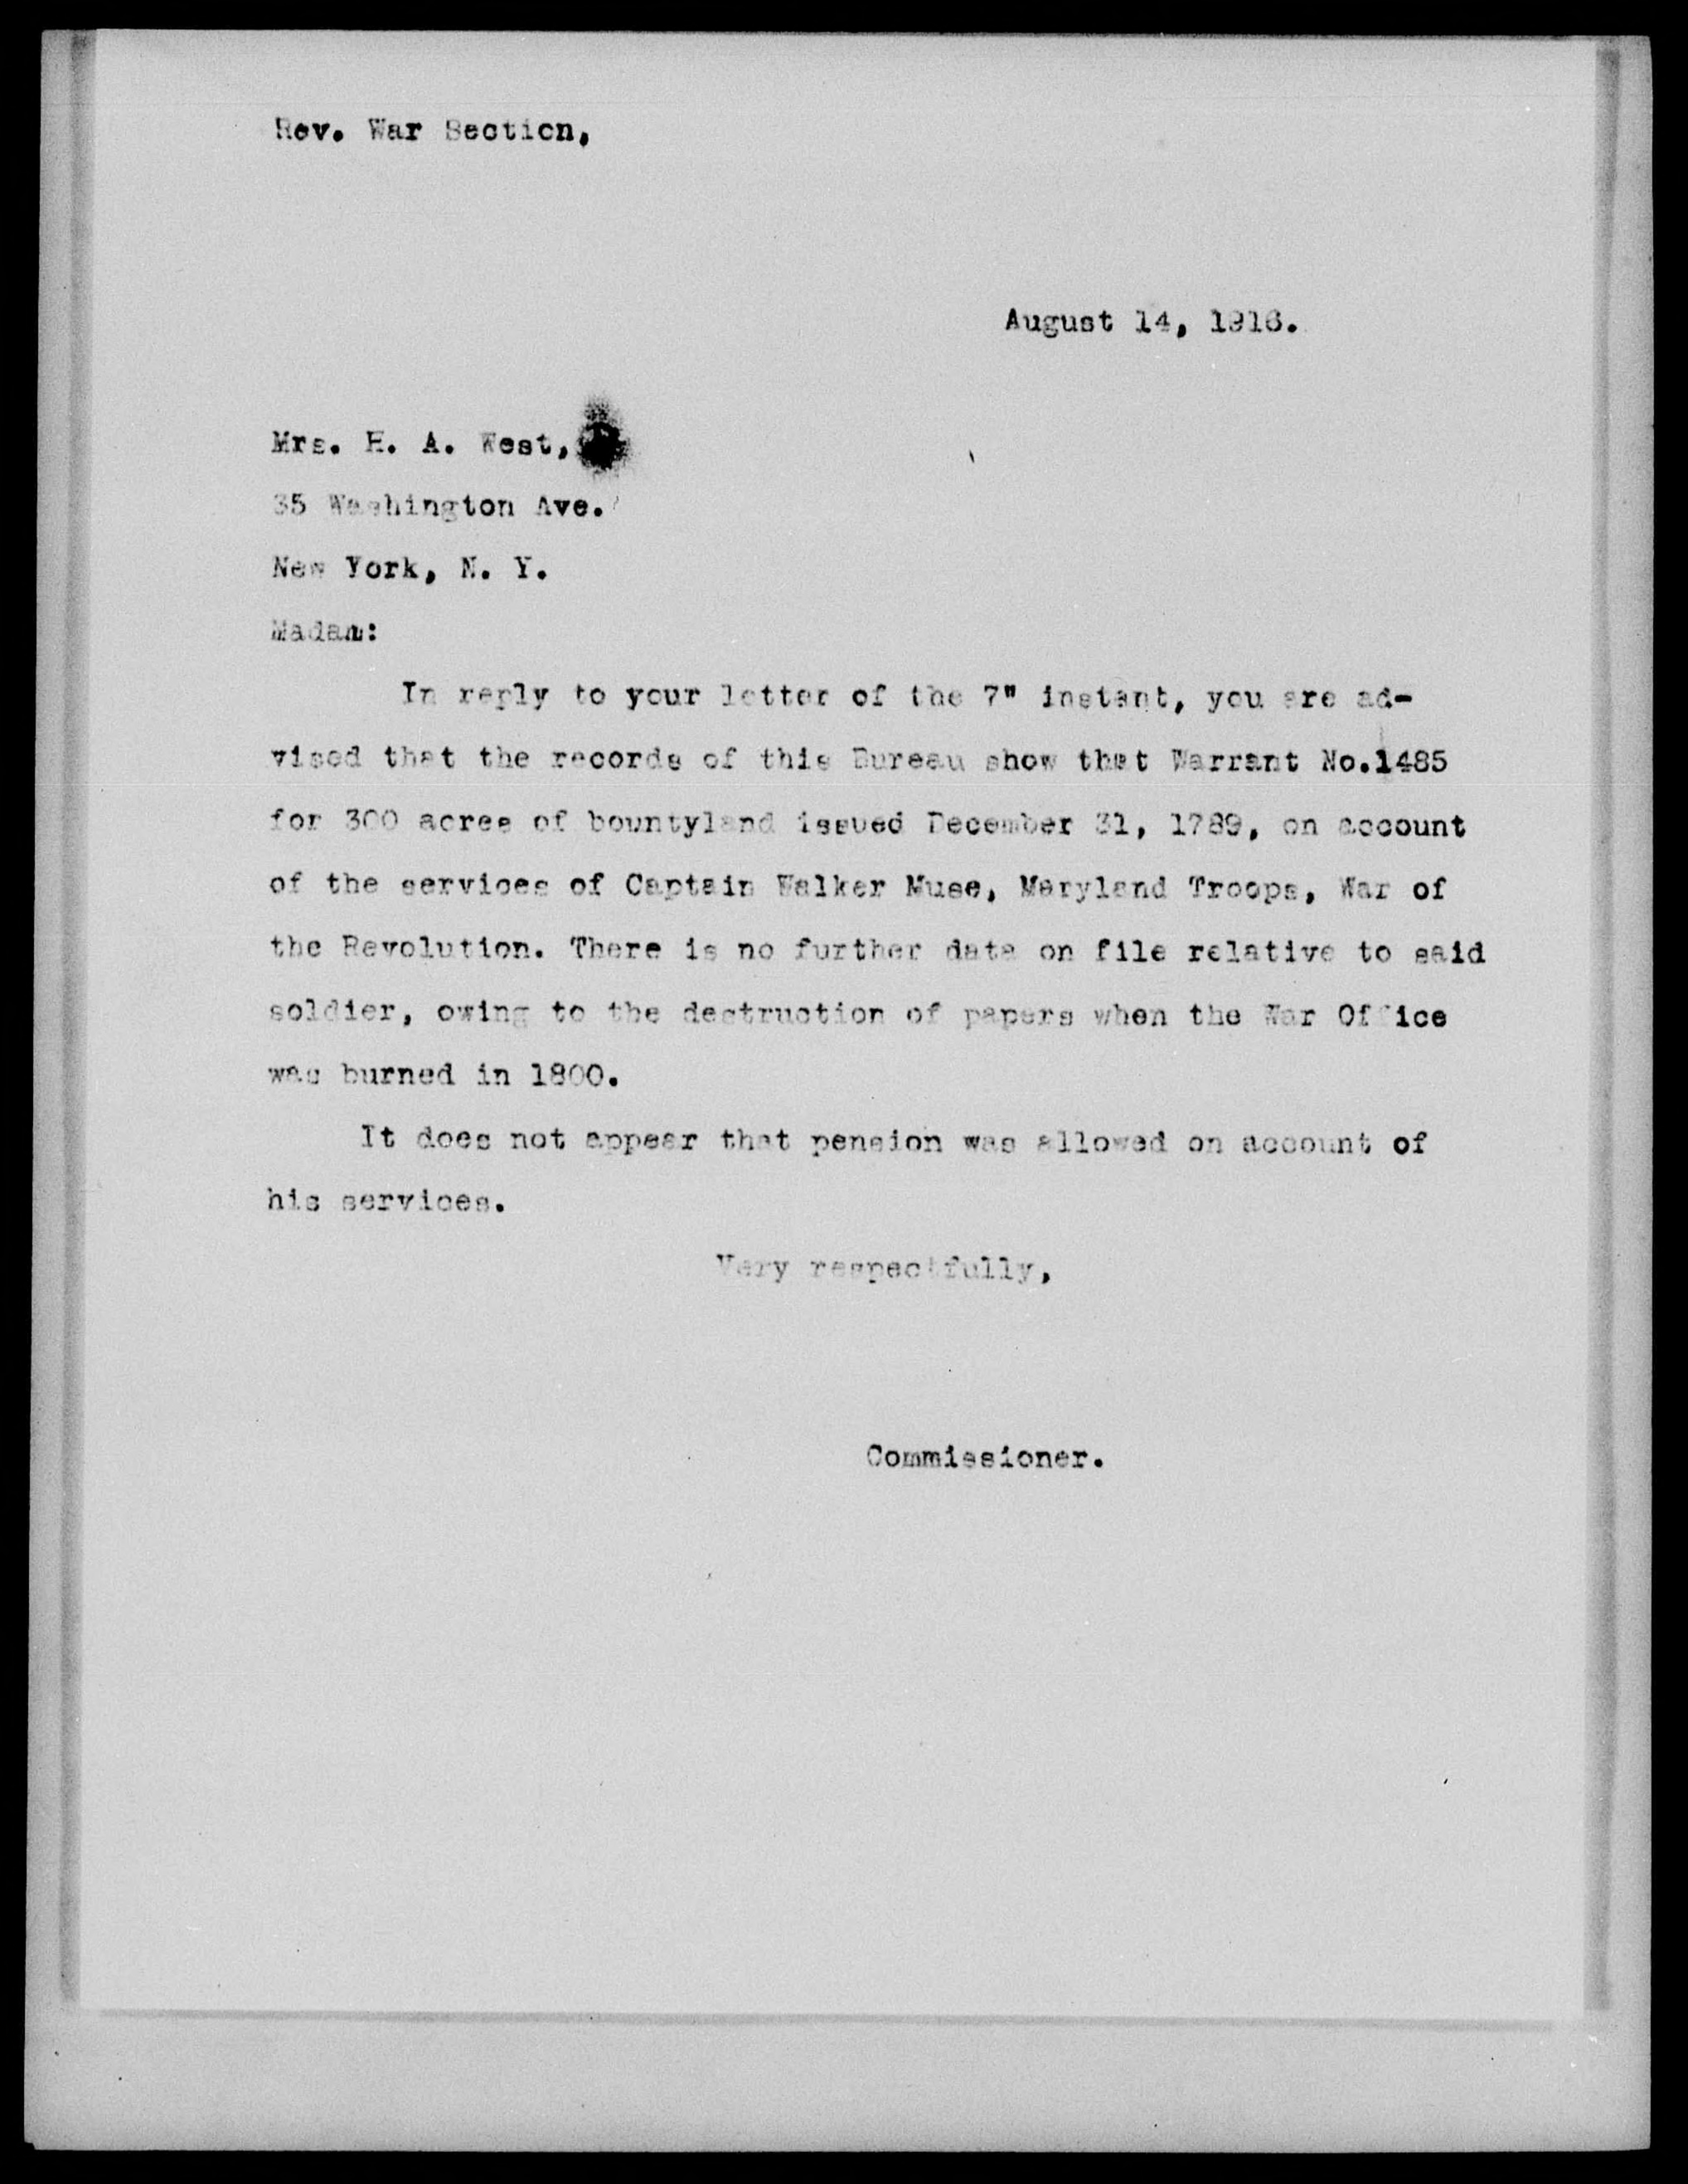Rev. War Section,
August 14, 1916.

Mrs. H. A. West,
35 Washington Ave.
New York, N.Y.

Madam:

In reply to your letter of the 7th instant, you are advised that the records of this Bureau show that Warrant No. 1485 for 300 acres of bounty land issued December 31, 1789, on account of the services of Captain Walker Muse, Maryland Troops, War of the Revolution. There is no further data on file relative to said soldier, owing to the destruction of papers when the War Office was burned in 1800.

It does not appear that pension was allowed on account of his services.

Very respectfully,
[Signature not shown]
Commissioner.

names: Walker Muse; H A West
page: 5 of 5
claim: bounty land warrant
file: B. L. Wt. 1485-300, for Walker Muse, Maryland